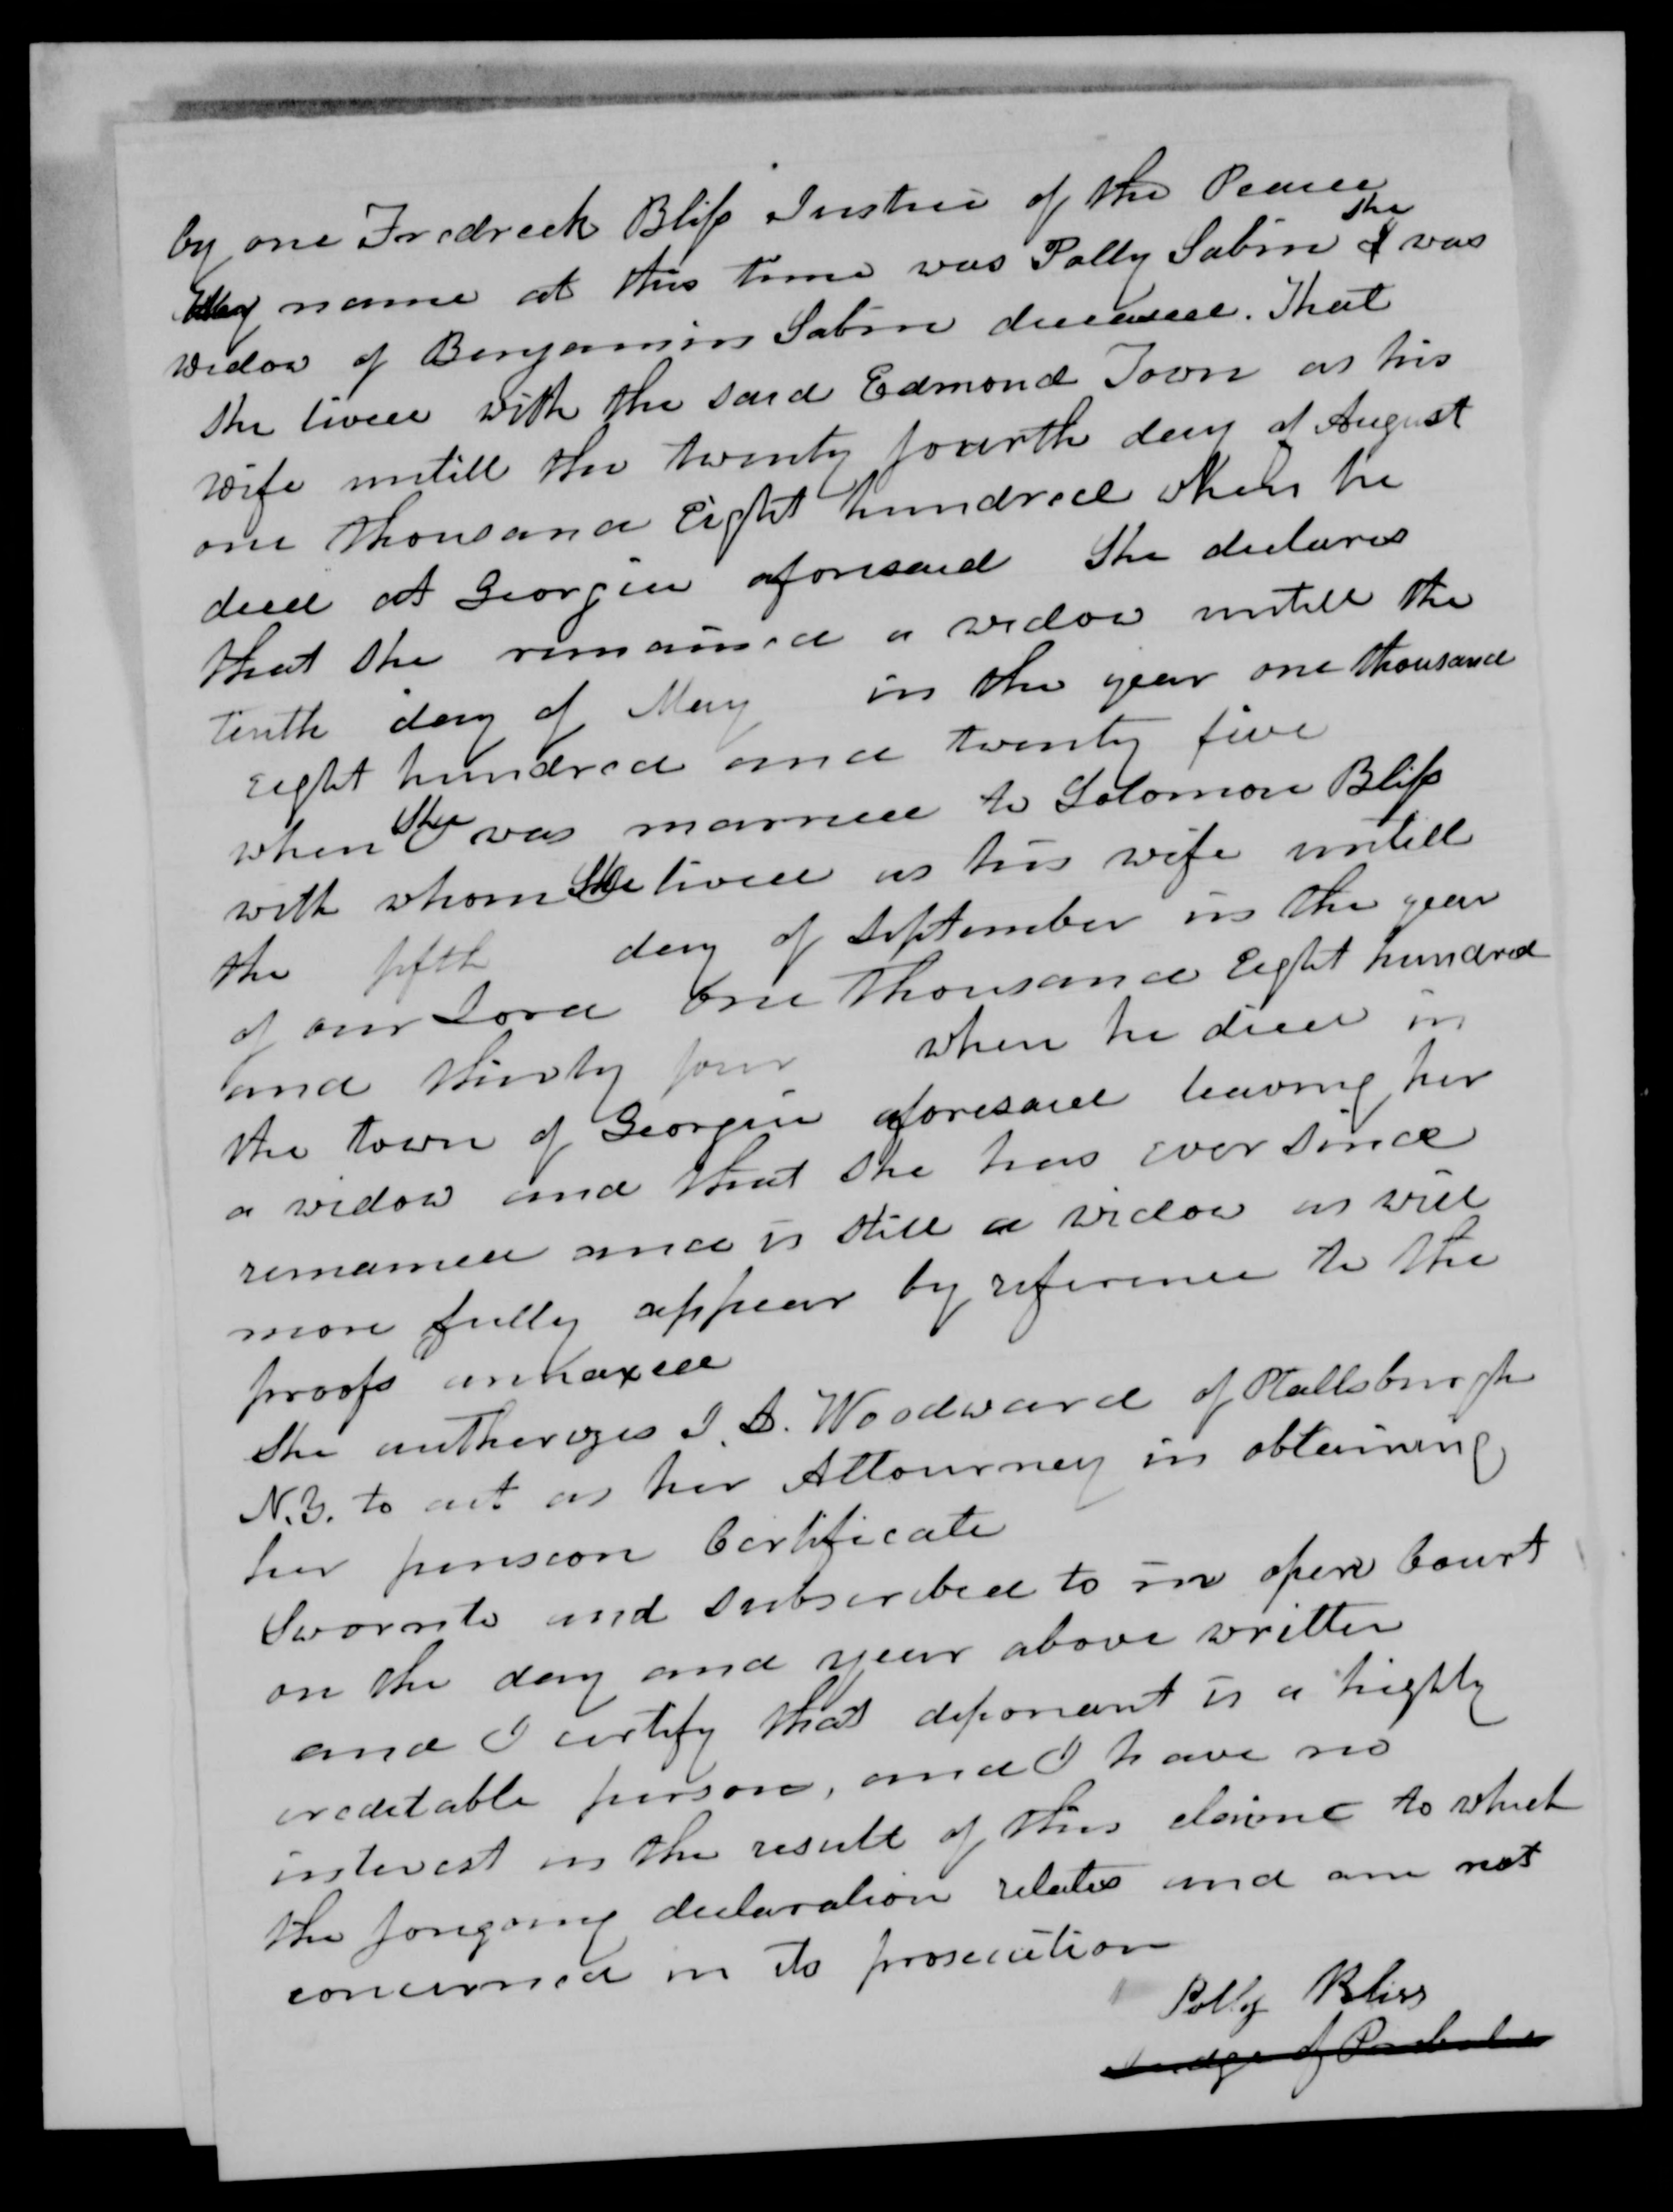by one Fredrick Bliss Justice of the Peace. My name at this time was Polly Sabin. I was widow of Benjamin Sabin deceased. That she lives with the said Edmon Town as his wife untill the twenty fourth day of August one thousand eight hundred when he died at Georgia aforesaid. She declares that she remained a widow untill the tenth day of May in the year one thousand eight hundred and twenty five when she was married to Solomon Bliss with whom she lived as his wife untill the fifth day of September in the year of our Lord one thousand eight hundred and thirty four when he died in the town of Georgia aforesaid leaving her a widow and that she has ever since remained and is still a widow as will more fully appear by reference to the proofs annexed.
She authorized J. D. Woodward of Plattsburgh N. Y. to act as her Attourney in obtaining her pension Certificate.
Sworn to and subscribed to in open Court on the day and year above written. And I certify that deponant is a highly creditable person and I have no interest in the result of this claim to which the foregoing declaration relates and am not (illegible) in its prosecution.
Polly Bliss
{Judge of Probate, crossed out]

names: Edmond Town, Polly Bliss, Polly Sabin, Benjamin Sabin, Fredreck Bliss, J D Woodward, Solomon Bliss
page: 15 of 64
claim: widow's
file: W. 5831, Edmund Town, Mass.